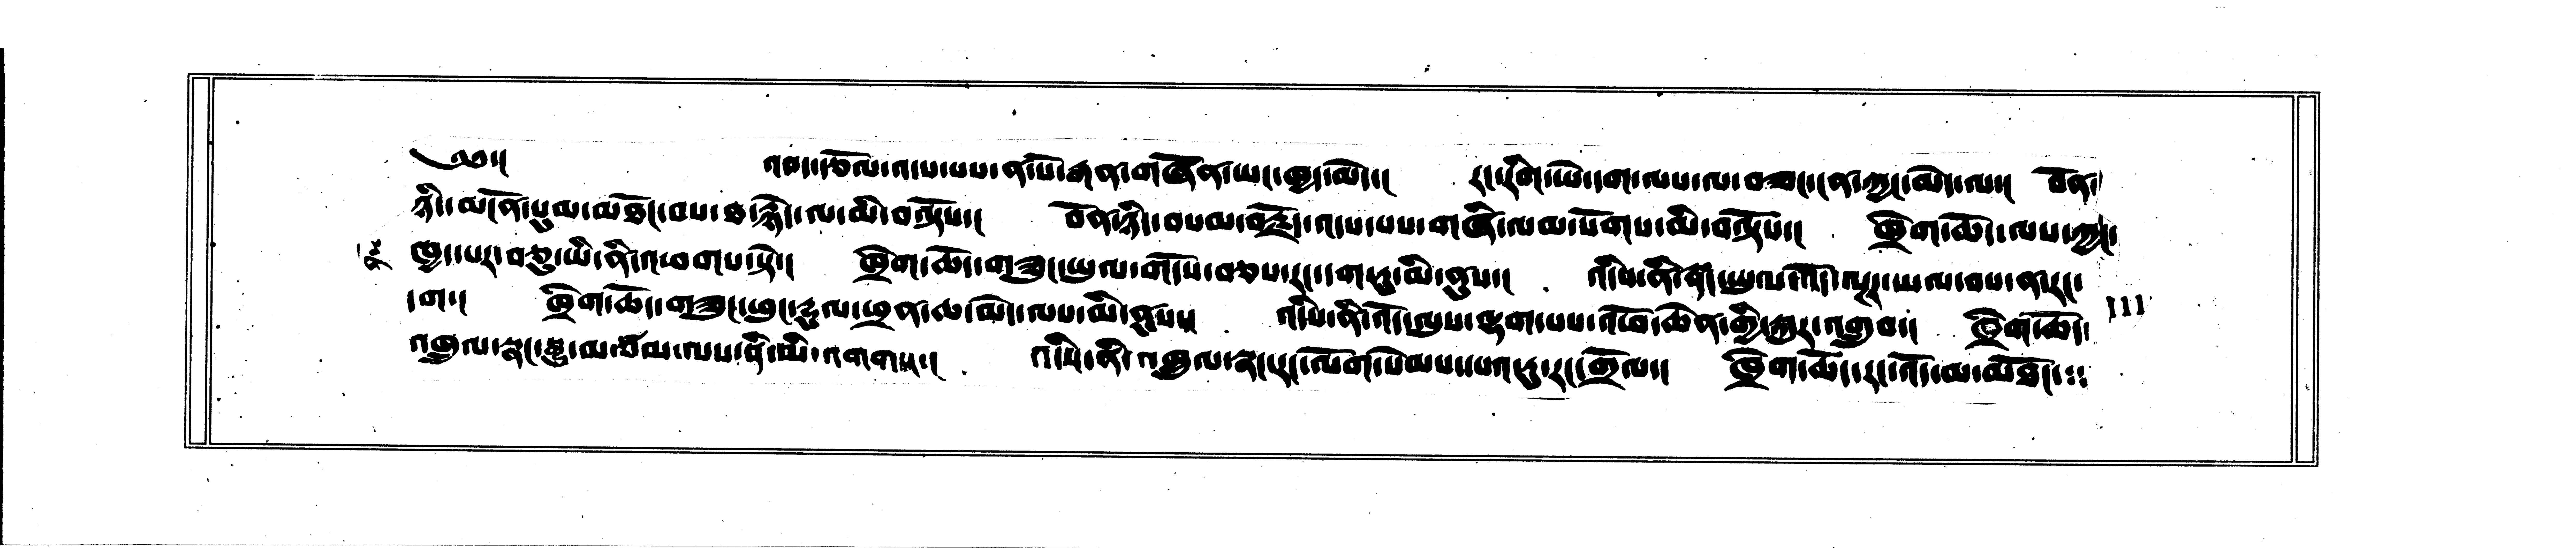འབད་རྩོལ་འདས་པས་ན་སོ་རྒན་གཞོན་ཡང་ཁྱད་མེད། །རང་རིག་ཡེ་དག་ལས་ལ་བཟང་ངན་ཀྱང་མེད་ལ། །བོན་
ཉིད་མངོན་སུམ་མཐོང་བས་ཐ་སྙད་ལ་མི་བལྟོས། །བོན་ཉིད་བསམ་བརྗོད་འདས་པས་གཞི་ལམ་སོགས་མི་བལྟོས། །ཁྲེག་ཆོད་ལས་ཀྱང་
ཁྱད་པར་བཅུ་ཡིས་ནི་འཕགས་ཏེ། །ཁྲེག་ཆོད་བཟུང་ཡུལ་གདོས་བཅས་རང་དག་ཏུ་མི་ནུས། །འདིས་ནི་སྣང་ཡུལ་འོད་ལྔར་ཡལ་བས་ན་རང་
དག །ཁྲེག་ཆོད་གཟུགས་ཕུང་རྡུལ་ཕྲན་ཆ་མེད་ལས་མི་ནུས། །འདིས་ནི་འོད་ལུས་ལྷག་པས་འཕོ་ཆེན་གྱི་སྐུར་འགྲུབ། །ཁྲེག་ཆོད་
འཁྲུལ་སྣང་སྒྱུ་མ་ཙམ་ལས་ནི་མི་འགག །འདིས་ནི་འཁྲུལ་སྣང་རང་ལོག་སེམས་དཔའ་རུ་རང་གྲོལ། །ཁྲེག་ཆོད་རང་འོད་མ་མཐོང་